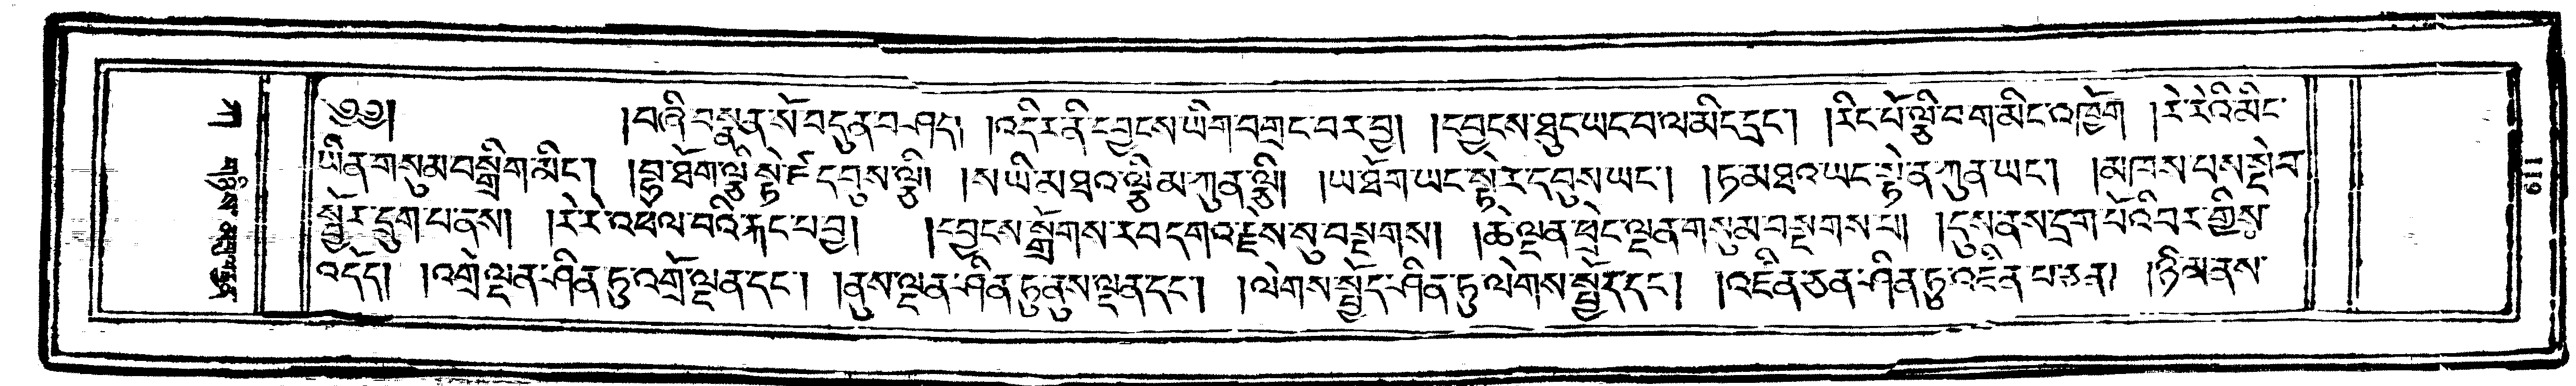༄༅། །བཞི་བསྣན་སོ་བདུན་བཤད། །འདིར་ནི་དབྱངས་ཡིག་བགྲང་བར་བྱ། །དབྱངས་ཐུང་ཡང་བ་ལ་མིང་དྲང་། །རིང་པོ་ལྕི་བག་མིང་འཁྱོག །རེ་རེའི་མིང་
ཡིན་གསུམ་བསྒྲིབ་མིང་། །བྷ་ཐོག་ལྕི་སྟེ་ཛ་དབུས་ལྕི། །ས་ཡི་མཐའ་ལྕིམ་ཀུན་ལྕི། །ཡ་ཐོག་ཡང་སྟེར་དབུས་ཡང་། །ཏ་མཐའ་ཡང་སྟེ་ན་ཀུན་ཡང་། །མཁས་པས་སྡེབ་
སྦྱོར་དྲུག་པ་ནས། །རེ་རེ་འཕེལ་བའི་རྐང་པ་བྱ། །དབྱངས་སྒྲོགས་རབ་དགའ་རྗེས་སུ་བསྔགས། །ཆེ་ལྡན་ཕྲེང་ལྡན་གསུམ་བསྔགས་པ། །དུས་ནས་དྲག་པོའི་བར་གྱིས་
འདོད། །འགྲོ་ལྡན་ཤིན་ཏུ་འགྲོ་ལྡན་དང་། །ནུས་ལྡན་ཤིན་ཏུ་ནུས་ལྡན་དང་། །ལེགས་སྤྱོད་ཤིན་ཏུ་ལེགས་སྤྱོད་དང་། །འཛིན་ཅན་ཤིན་ཏུ་འཛིན་པ་ཅན། །ཉི་མ་ནས་